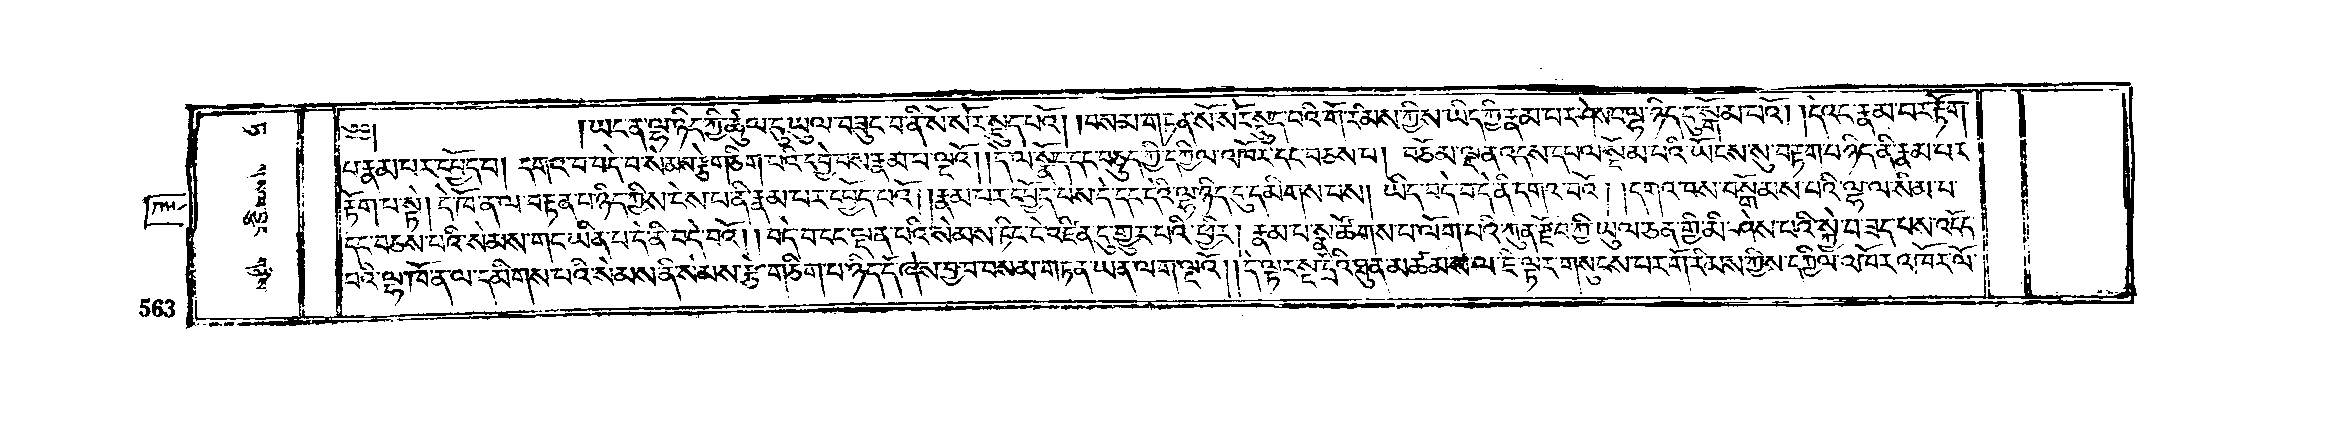༄༅། །ཡང་ན་ལྷ་ཉིད་ཀྱི་ཚུལ་དུ་ཡུལ་བཟུང་བ་ནི་སོ་སོར་སྡུད་པའོ། །བསམ་གཏན་སོ་སོར་སྡུད་པའི་གོ་རིམས་ཀྱིས་ཡིད་ཀྱི་རྣམ་པར་ཤེས་པ་ལྷ་ཉིད་དུ་སྒོམ་པའོ། །དེའང་རྣམ་པར་རྟོག་པ་རྣམ་པར་དཔྱོད་པ། དགའ་བ་བདེ་བ་སེམས་རྩེ་གཅིག་པའི་དབྱེ་བས་རྣམ་པ་ལྔའོ། །དེ་ལ་སྣོད་དང་བཅུད་ཀྱི་དཀྱིལ་འཁོར་དང་བཅས་པ། བཅོམ་ལྡན་འདས་དཔལ་སྡོམ་པའི་ཡོངས་སུ་བརྟག་པ་ཉིད་ནི་རྣམ་པར་
རྟོག་པ་སྟེ། དེ་ཁོ་ན་ལ་བརྟན་པ་ཉིད་ཀྱིས་ངེས་པ་ནི་རྣམ་པར་དཔྱོད་པའོ། །རྣམ་པར་དཔྱོད་པས་དེ་དང་དེའི་ལྷ་ཉིད་དུ་དམིགས་པས། ཡིད་བདེ་བ་དེ་ནི་དགའ་བའོ། །དགའ་བས་བསྒོམས་པའི་ལྷ་ལ་སིམ་པ་
དང་བཅས་པའི་སེམས་གང་ཡིན་པ་དེ་ནི་བདེ་བའོ། །བདེ་བ་དང་ལྡན་པའི་སེམས་ཏིང་ངེ་འཛིན་དུ་གྱུར་པའི་ཕྱིར། རྣམ་པ་སྣ་ཚོགས་པ་ལོག་པའི་ཀུན་རྫོབ་ཀྱི་ཡུལ་ཅན་གྱི་མི་ཤེས་པའི་སྐྱེ་བ་ཟད་པས་འདོད་
པའི་ལྷ་ཁོ་ན་ལ་དམིགས་པའི་སེམས་ནི་སེམས་རྩེ་གཅིག་པ་ཉིད་དོ་ཞེས་བྱ་བ་བསམ་གཏན་ཡན་ལག་ལྔའོ། །དེ་ལྟར་སྔ་དྲིའི་ཐུན་མཚམས་ལ་ཇི་ལྟར་གསུངས་པར་གོ་རིམས་ཀྱིས་དཀྱིལ་འཁོར་འཁོར་ལོ་